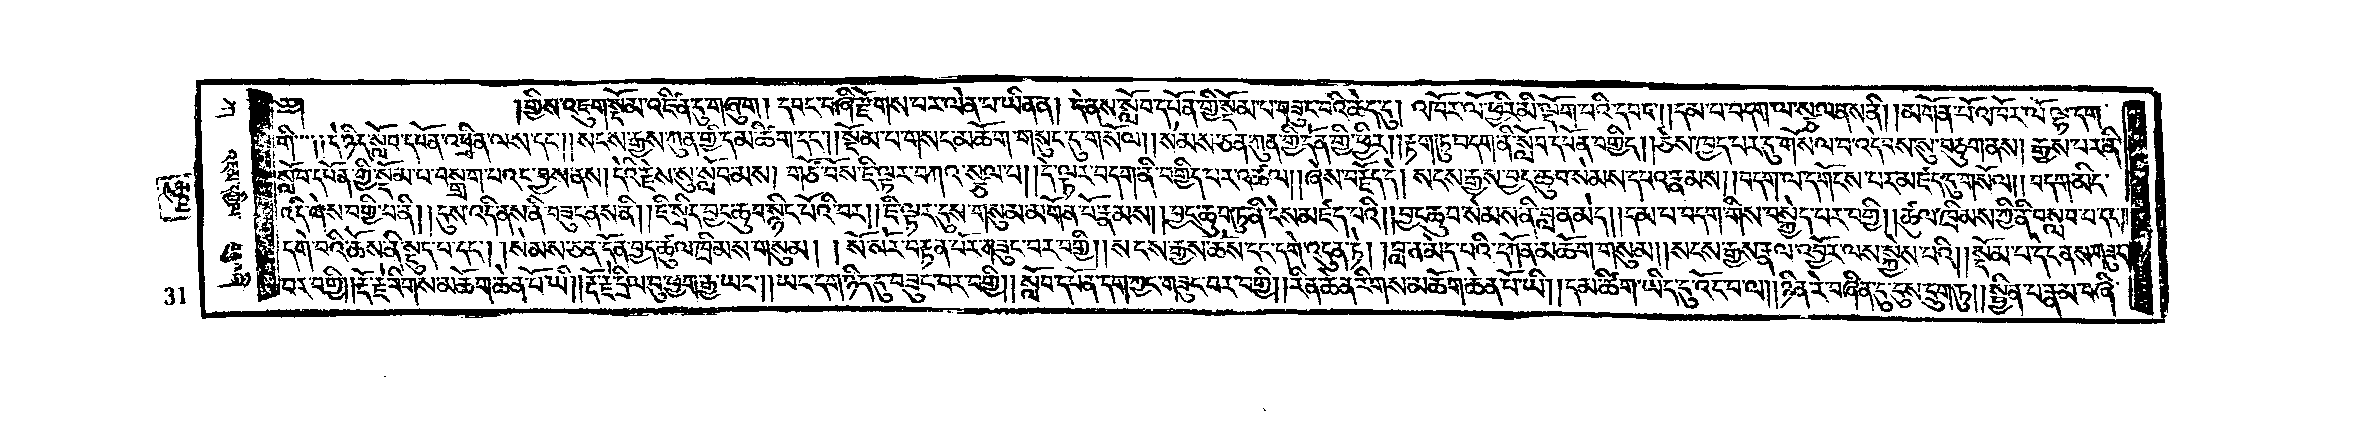༄༅། །གྱིས་འཇུག་སྡོམ་འཛིན་དུ་གཞུག །དབང་བཞི་རྫོགས་པར་ལེན་པ་ཡིན་ན། དེ་ནས་སློབ་དཔོན་གྱི་སྡོམ་པ་གཟུང་བའི་ཆེད་དུ། འཁོར་ལོ་ཕྱིར་མི་ལྡོག་པའི་དབང་། །དམ་པ་བདག་ལ་སྩལ་ནས་ནི། །མགོན་པོ་འཁོར་ལོ་ལྷ་དག་
གི། །དེ་ཉིད་སློབ་དཔོན་འཕྲིན་ལས་དང་། །སངས་རྒྱས་ཀུན་གྱི་དམ་ཚིག་དང་། །སྡོམ་པ་གསང་མཆོག་གསུང་དུ་གསོལ། །སེམས་ཅན་ཀུན་གྱི་དོན་གྱི་ཕྱིར། །རྟག་ཏུ་བདག་ནི་སློབ་དཔོན་བགྱིད། །ཅེས་ཁྱད་པར་དུ་གསོལ་བ་འདེབས་སུ་བཅུག་ནས། རྒྱས་པར་ནི་
སློབ་དཔོན་གྱི་སྡོམ་པ་བསྒྲག་པའང་བྱས་ནས། དེའི་རྗེས་སུ་སློབ་མས། གཙོ་བོས་ཇི་ལྟར་བཀའ་སྩལ་པ། །དེ་ལྟར་བདག་ནི་བགྱིད་པར་འཚལ། །ཞེས་བརྗོད་དེ། སངས་རྒྱས་བྱང་ཆུབ་སེམས་དཔའ་རྣམས། །བདག་ལ་དགོངས་པར་མཛད་དུ་གསོལ། །བདག་མིང་
འདི་ཞེས་བགྱི་བ་ནི། །དུས་འདི་ནས་ནི་བཟུང་ནས་ནི། །ཇི་སྲིད་བྱང་ཆུབ་སྙིང་པོའི་བར། །ཇི་ལྟར་དུས་གསུམ་མགོན་པོ་རྣམས། །བྱང་ཆུབ་ཏུ་ནི་ངེས་མཛད་པའི། །བྱང་ཆུབ་སེམས་ནི་བླ་ན་མེད། །དམ་པ་བདག་གིས་བསྐྱེད་པར་བགྱི། །ཚུལ་ཁྲིམས་ཀྱི་ནི་བསླབ་པ་དང་། །
དགེ་བའི་ཆོས་ནི་སྡུད་པ་དང་། །སེམས་ཅན་དོན་བྱད་ཚུལ་ཁྲིམས་གསུམ། །སོ་སོར་བརྟན་པོར་གཟུང་བར་བགྱི། །སངས་རྒྱས་ཆོས་དང་དགེ་འདུན་ཏེ། །བླ་ན་མེད་པའི་དཀོན་མཆོག་གསུམ། །སངས་རྒྱས་རྣལ་འབྱོར་ལས་སྐྱེས་པའི། །སྡོམ་པ་དེང་ནས་གཟུང་
བར་བགྱི། །རྡོ་རྗེ་རིགས་མཆོག་ཆེན་པོ་ཡི། །རྡོ་རྗེ་དྲིལ་བུ་ཕྱག་རྒྱ་ཡང་། །ཡང་དག་ཉིད་དུ་བཟུང་བར་བགྱི། །སློབ་དཔོན་དག་ཀྱང་གཟུང་བར་བགྱི། །རིན་ཆེན་རིགས་མཆོག་ཆེན་པོ་ཡི། །དམ་ཚིག་ཡིད་དུ་འོང་བ་ལ། །ཉིན་རེ་བཞིན་དུ་དུས་དྲུག་ཏུ། །སྦྱིན་པ་རྣམ་བཞི་